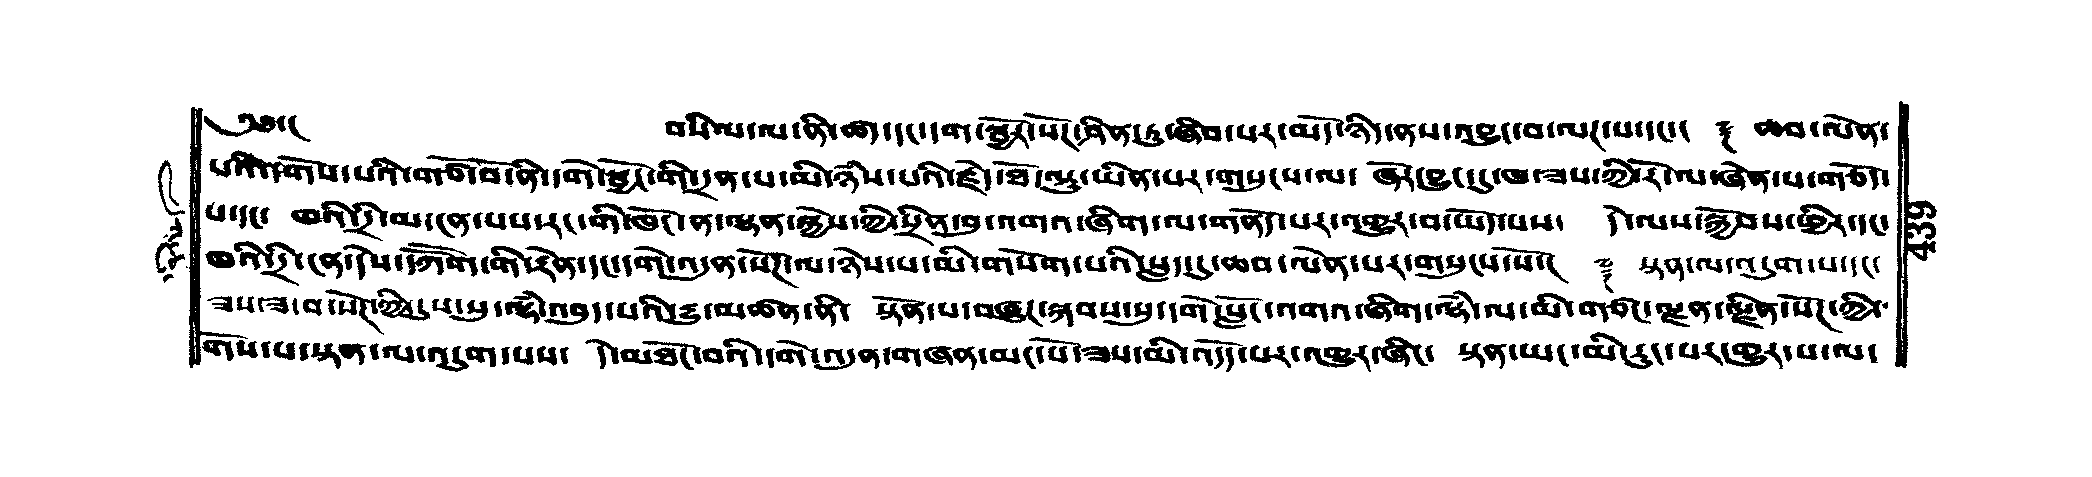བསིལ་ལ་ནི་ཚད་དང་དག་སྦྱོར་སོགས་ཤིན་ཏུ་ཞིབ་པར་མདོ་ཉིད་ནས་འབྱུང་བ་ལགས་པ་དང་། ཆབ་ལེན་
པའི་དགོས་པའི་གཙོ་བོ་ནི་དགེ་སྦྱོང་གི་དྲན་པ་མི་ཉམས་པའི་རྗེད་ཐོ་ལྟ་བུ་ཡིན་པར་གསུངས་ལ། ཞོར་བྱུང་དུ་ཁ་ཟས་ཀྱི་རོ་ལ་ཞེན་པ་གཅོད་
པ་དང་། ཁའི་དྲི་མ་ངན་པས་རང་གི་ཁོང་ན་ལྷན་སྐྱེས་ཀྱི་སྲིན་བུ་འགའ་ཞིག་ལ་གནོད་པར་འགྱུར་བ་ཡོད་པས། དེ་ལས་སྐྱོབས་ཕྱིར་དང་
ཁའི་དྲི་ངན་དེས་དཀོན་མཆོག་གི་རྟེན་དང་དགེ་འདུན་སོགས་ལ་ཉེས་པ་མི་གསོག་པའི་སླད་དུ་ཆབ་ལེན་པར་གསུངས་སོ། སྟན་ལ་འདུག་པ་དང་
ཟས་ཟ་བ་སོགས་ཀྱི་དུས་སུ་ལྷམ་འབུད་པའི་རྒྱུ་མཚན་ནི། སྟོན་པ་བཞུགས་སྐབས་སུ་དགེ་སློང་འགའ་ཞིག་ལྷམ་ལ་མི་གཙང་ལྗན་ལྗིན་སོགས་ཀྱིས་
གོས་པ་སྟན་ལ་འདུག་པས། དེ་མཐོང་བའི་དགེ་འདུན་གཞན་མང་པོ་ཟས་མི་འདོད་པར་འགྱུར་ཞིང་། སྟན་ཡང་མི་རུང་པར་གྱུར་པ་ལ་